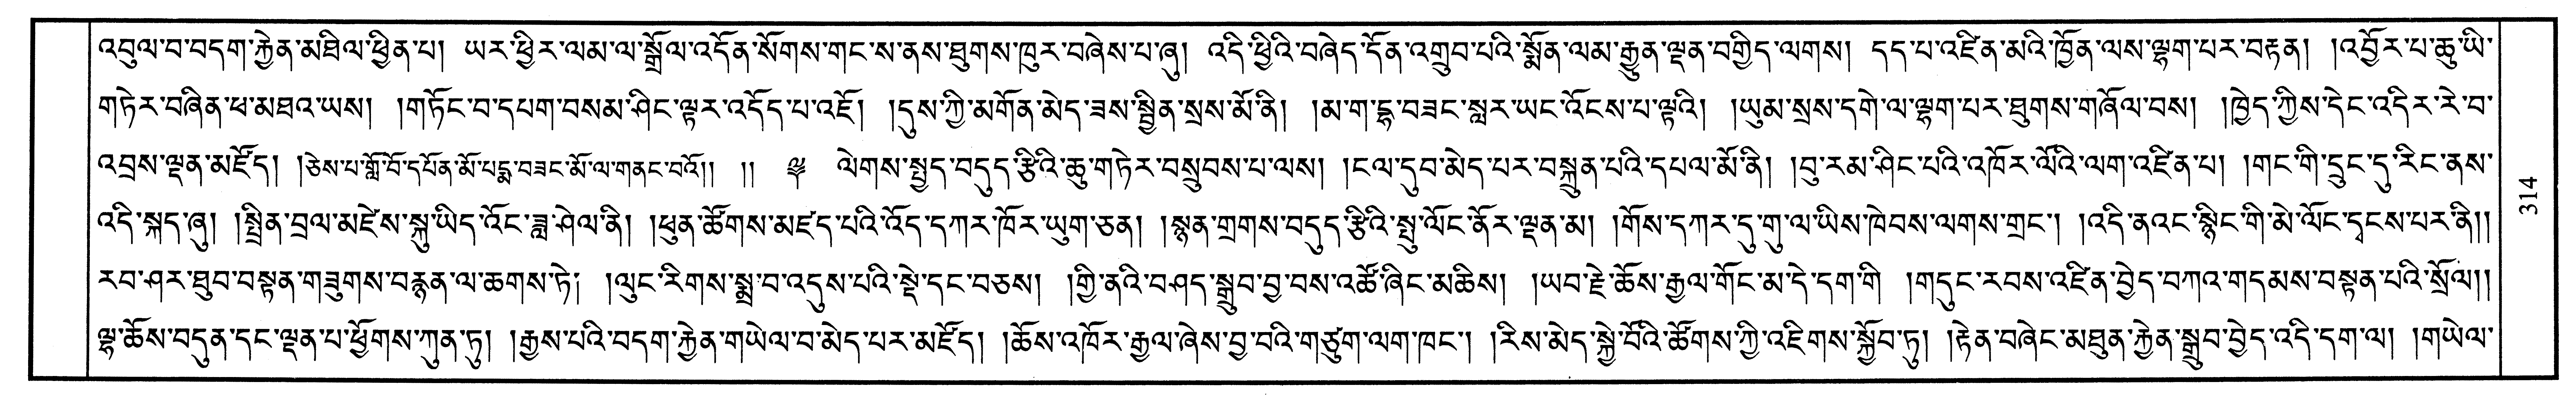འབུལ་བ་བདག་རྐྱེན་མཐིལ་ཕྱིན་པ། ཡར་ཕྱིར་ལམ་ལ་སྒྲོལ་འདོན་སོགས་གང་ས་ནས་ཐུགས་ཁུར་བཞེས་པ་ཞུ། འདི་ཕྱིའི་བཞེད་དོན་འགྲུབ་པའི་སྨོན་ལམ་རྒྱུན་ལྡན་བགྱིད་ལགས། དད་པ་འཛིན་མའི་ཁྱོན་ལས་ལྷག་པར་བརྟན། །འབྱོར་པ་ཆུ་ཡི་
གཏེར་བཞིན་ཕ་མཐའ་ཡས། །གཏོང་བ་དཔག་བསམ་ཤིང་ལྟར་འདོད་པ་འཇོ། །དུས་ཀྱི་མགོན་མེད་ཟས་སྦྱིན་སྲས་མོ་ནི། །མ་ག་དྷ་བཟང་སླར་ཡང་འོངས་པ་ལྟའི། །ཡུམ་སྲས་དགེ་ལ་ལྷག་པར་ཐུགས་གཞོལ་བས། །ཁྱེད་ཀྱིས་དེང་འདིར་རེ་བ་
འབྲས་ལྡན་མཛོད། །ཅེས་པ་གློ་བོ་དཔོན་མོ་པདམ་བཟང་མོ་ལ་གནང་བའོ།། །། ༈ ལེགས་སྤྱད་བདུད་རྩིའི་ཆུ་གཏེར་བསྲུབས་པ་ལས། །ངལ་དུབ་མེད་པར་བསྐྲུན་པའི་དཔལ་མོ་ནི། །བུ་རམ་ཤིང་པའི་འཁོར་ལོའི་ལག་འཛིན་པ། །གང་གི་དྲུང་དུ་རིང་ནས་
འདི་སྐད་ཞུ། །སྤྲིན་བྲལ་མཛེས་སྐུ་ཡིད་འོང་ཟླ་ཤེལ་ནི། །ཕུན་ཚོགས་མཛད་པའི་འོད་དཀར་ཁོར་ཡུག་ཅན། །སྙན་གྲགས་བདུད་རྩིའི་སྤུ་ལོང་ནོར་ལྡན་མ། །གོས་དཀར་དུ་གུ་ལ་ཡིས་ཁེབས་ལགས་གྲང་། །འདི་ནའང་སྙིང་གི་མེ་ལོང་དྭངས་པར་ནི།།
རབ་ཤར་ཐུབ་བསྟན་གཟུགས་བརྙན་ལ་ཆགས་ཏེ། །ལུང་རིགས་སྨྲ་བ་འདུས་པའི་སྡེ་དང་བཅས། །གྱི་ནའི་བཤད་སྒྲུབ་བྱ་བས་འཚོ་ཞིང་མཆིས། །ཡབ་རྗེ་ཆོས་རྒྱལ་གོང་མ་དེ་དག་གི །གདུང་རབས་འཛིན་བྱེད་བཀའ་གདམས་བསྟན་པའི་སྲོལ།།
ལྷ་ཆོས་བདུན་དང་ལྡན་པ་ཕྱོགས་ཀུན་ཏུ། །རྒྱས་པའི་བདག་རྐྱེན་གཡེལ་བ་མེད་པར་མཛོད། །ཆོས་འཁོར་རྒྱལ་ཞེས་བྱ་བའི་གཙུག་ལག་ཁང་། །རིས་མེད་སྐྱེ་བོའི་ཚོགས་ཀྱི་འཇིགས་སྐྱོབ་ཏུ། །རྟེན་བཞེང་མཐུན་རྐྱེན་སྒྲུབ་བྱེད་འདི་དག་ལ། །གཡེལ་